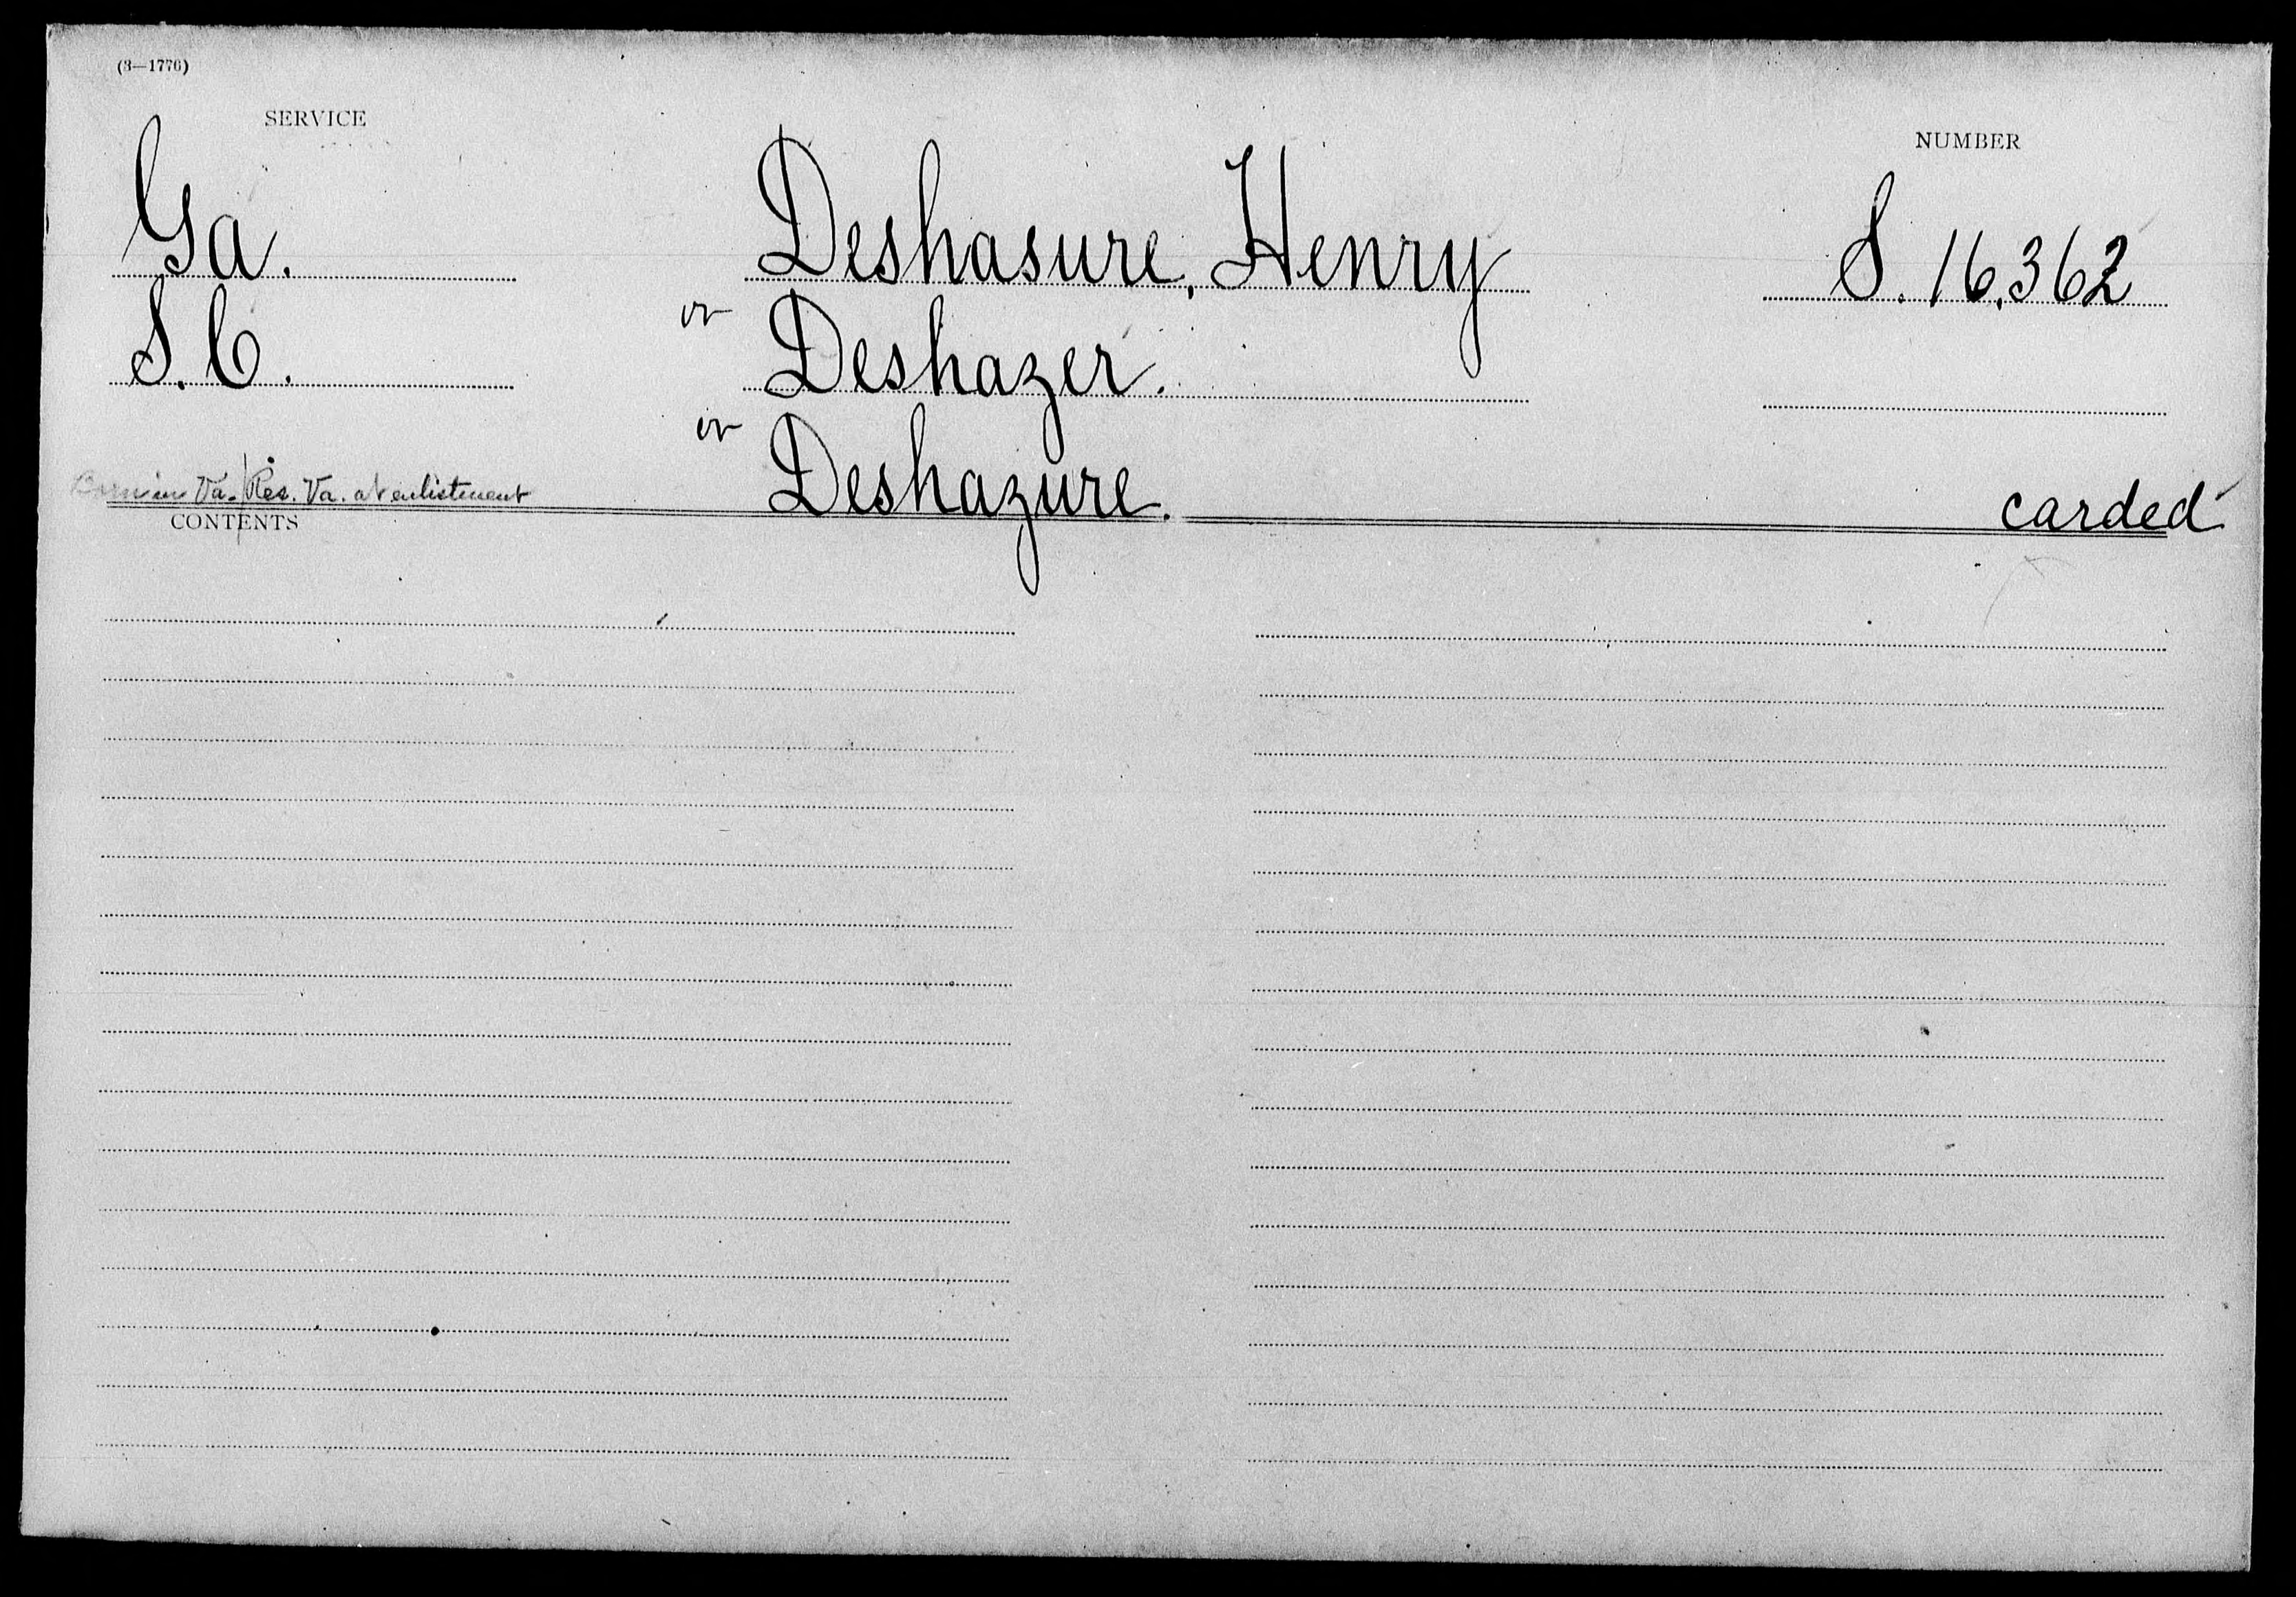(3-1776)
SERVICE
Ga.
S.C.
Deshasure, Henry
or Deshazer
or Deshazure
NUMBER
S 16362
Born in Va./Res. Va. at enlistment
carded
CONTENTS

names: Henry Deshazure, Henry Deshazer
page: 1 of 12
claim: survivor's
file: S. 16,362, Henry Deshasure, Ga. S.C.